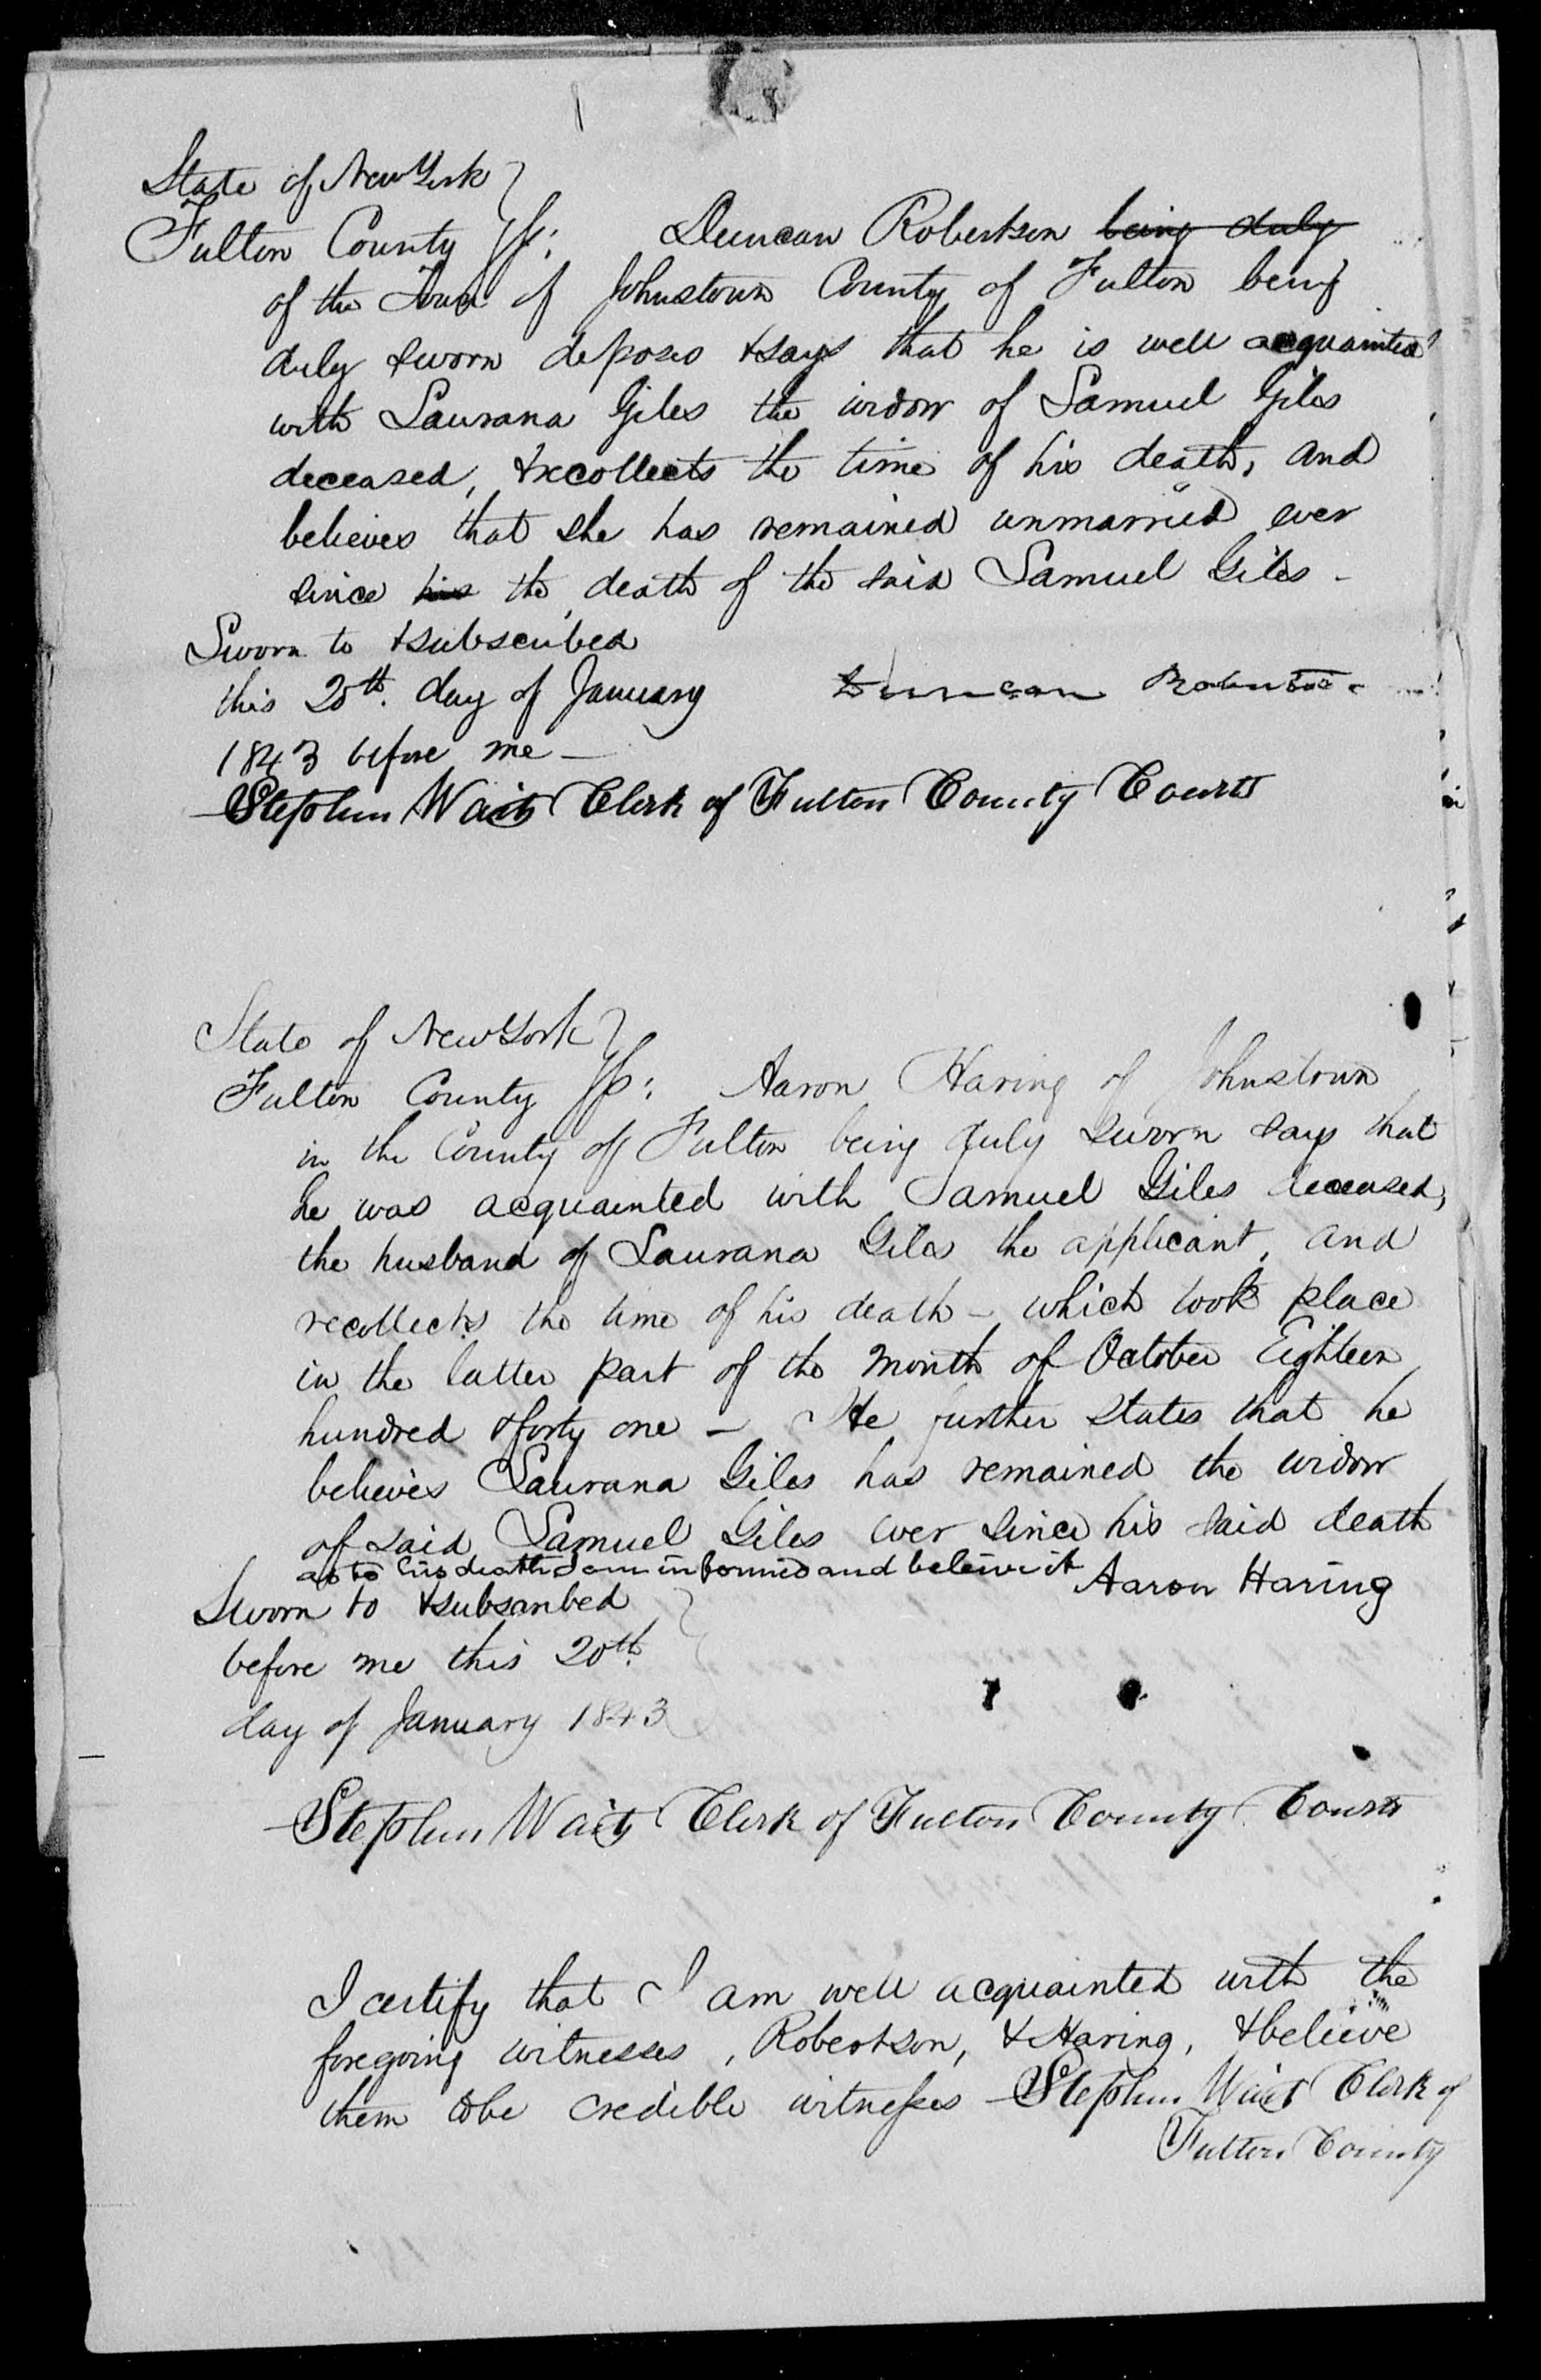State of New York
Fulton County
Right bracket and abbreviation, SS. [SS stands for the Latin word scilicet, which means "in particular," it is a legal format used by notaries/clerks to specify location.]

Duncan Robertson [crossed out: being duly] of the Town of Johnstown County of Fulton being duly sworn deposed +[and] says that he is well acquainted with Laurana Giles the widow of Samuel Giles deceased, 
+ [and] recollects the time of his death, and
believes that she has remained unmarried ever since [crossed out: his] the death of the said Samuel Giles.

Sworn to + [and] subscribed
this 20th day of January
1843 before me
Stephen Wait Clerk of Fulton County Courts

Duncan Robertson [Signature written to the right of the date provided in Stephen Wait's closing.]
 
[It appears that a second affidavit was laid on top of the above affidavit, perhaps positioned in the blank space at the bottom of the page. The second affidavit is transcribed below.]

State of New York
Fulton County 
Right bracket and abbreviation, SS. [SS stands for the Latin word scilicet, which means "in particular," it is a legal format used by notaries/clerks to specify location.]

Aaron Haring [spelled Harring on next page] of Johnstown in the County of Fulton being duly sworn says that he was acquainted with Samuel Giles deceased, the husband of Laurana Giles the applicant, and recollects the time of his death - 
which took place in the latter part of the month of October Eighteen hundred forty one.
He further states that he believes Laurana Giles has remained the widow of said Samuel Giles ever since his said death 

[Written in a smaller script, to fit in between the "Sworn to + [and] subscribed" closing format and the signature of Aaron Haring, were additional words.] as to his death, I am informed and believe it. 

Sworn to + [and] subscribed
before me this 20th 
day of January 1843
Stephen Wait Clerk of Fulton County Courts

Aaron Haring [Signature written to the right of the date provided in Stephen Wait's closing. NB: Haring is spelled as Harring on the next page.]

I certify that l am well acquainted with the
forgoing witnesses Robertson, + [and] Haring. 
I believe them to be credible witnesses 
Stephen Wait
Clerk of Fulton County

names: Laurana Giles, Aaron Haring, Laurana Giles, Haring, Stephen Wait, Laurana Giles, Samuel Giles, Duncan Robertson, Samuel Giles, Aaron Haring, Duncan Robertson, Stephen Wait, Robertson, Samuel Giles, Samuel Giles, Stephen Wait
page: 13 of 55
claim: widow's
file: W. 19503, Samuel Giles, Conti. Mass. New York